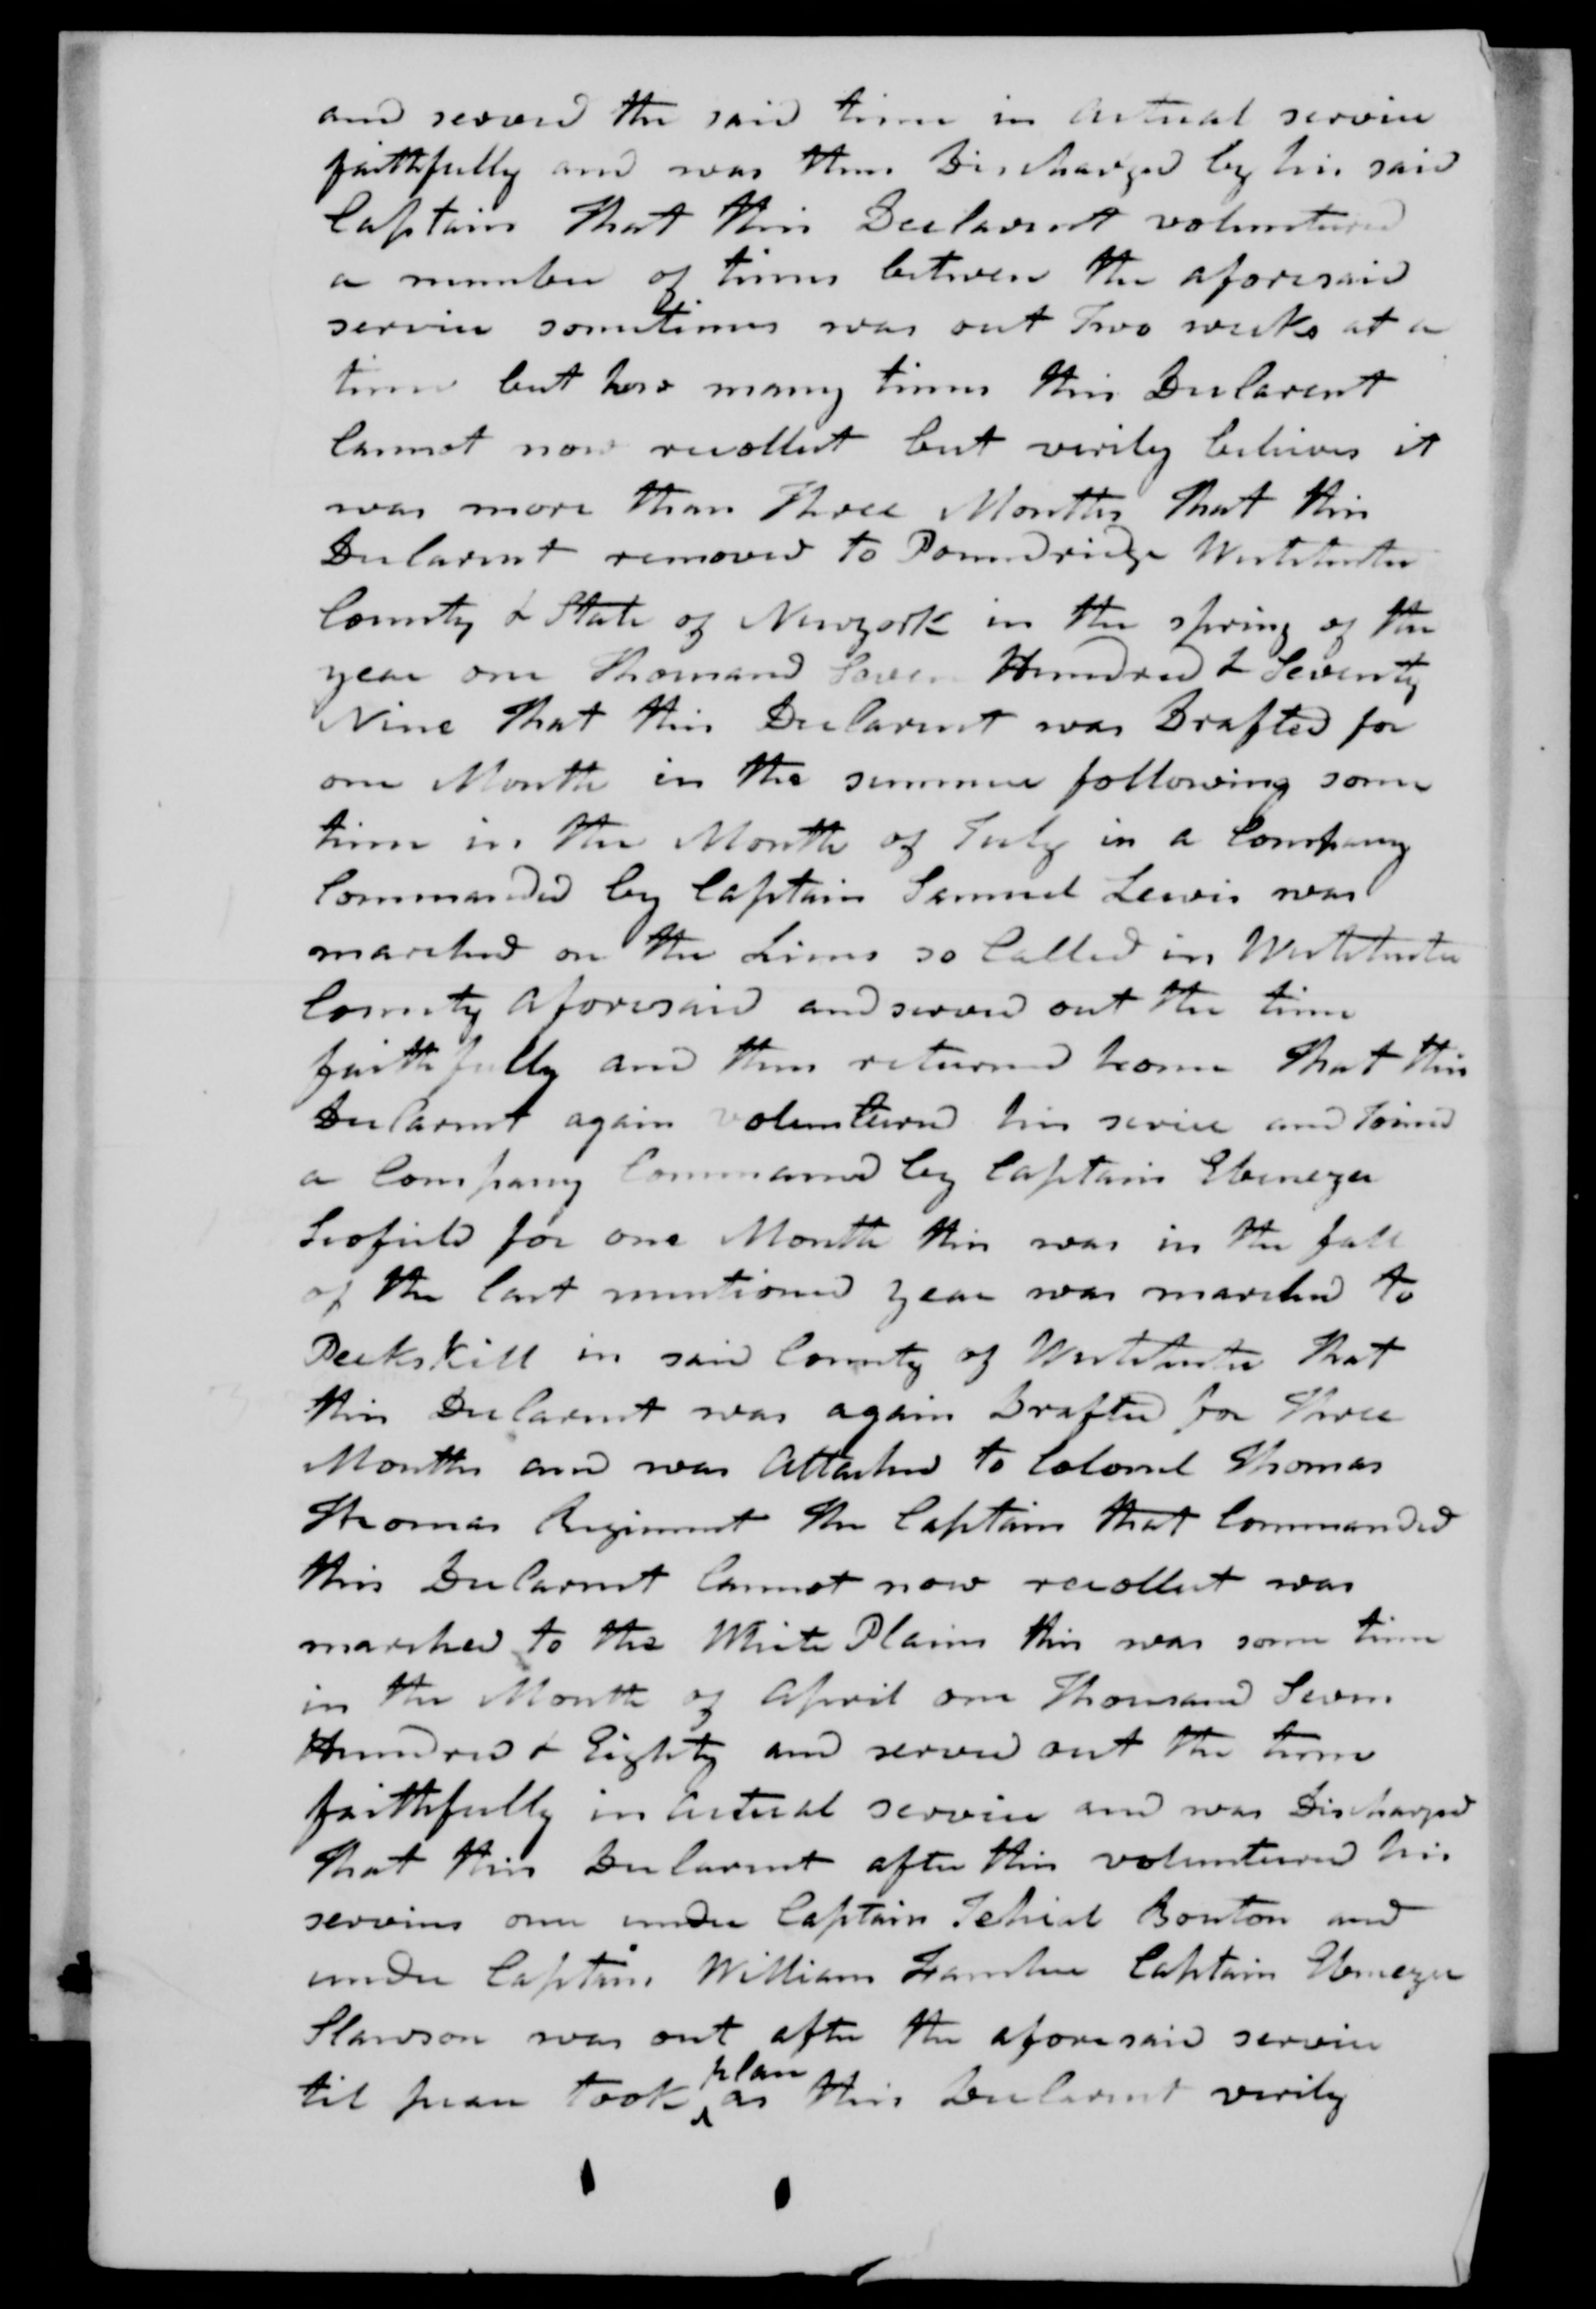and served the said time in actual service faithfully and was then discharged by his said Captain.  That this Declarant volunteered a number of times between the aforesaid service sometimes was out two weeks at a time but how many times this Declarant cannot now recollect but verily believes it was more than three months.  That this Declarent removed to Poundridge Westchester County & State of New York in the spring of the year one Thousand seven Hundred & Seventy Nine that this Declarant was drafted for one Month in the summer following some time in the month of July in a Company commanded by Captain Samuel Lewis was marched on the lines so called in Westchester County aforesaid and served out the time faithfully and then returned home.  That this Declarant again volunteered his service and joined a company commanded by Captain Ebenezer Scofield for one month this was in the fall of the last mentioned year was marched to Peekskill in said County of Westchester.  That this Declarant was again drafted for three Months and was attached to Colonel Thomas Thomas Regiment - the Captain that commanded this Declarant cannot now recollect - was marched to the White Plains this was some time in the month of April one Thousand Seven Hundred & Eighty and served out the time faithfully in actual service and was discharged.  That this Declarant after this volunteered his services one under Captain Jehial Benton and under Captain William Fansher, Captain Ebenezer Slawson was out after the aforesaid service til peace took place -  this Declarant verily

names: Ebenezer Slawson; Jehiel Bouton; William Fansher; Ebenezer Scofield; Samuel Lewis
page: 6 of 87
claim: widow's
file: W. 22,226, for Nathan Slawson, Connecticut